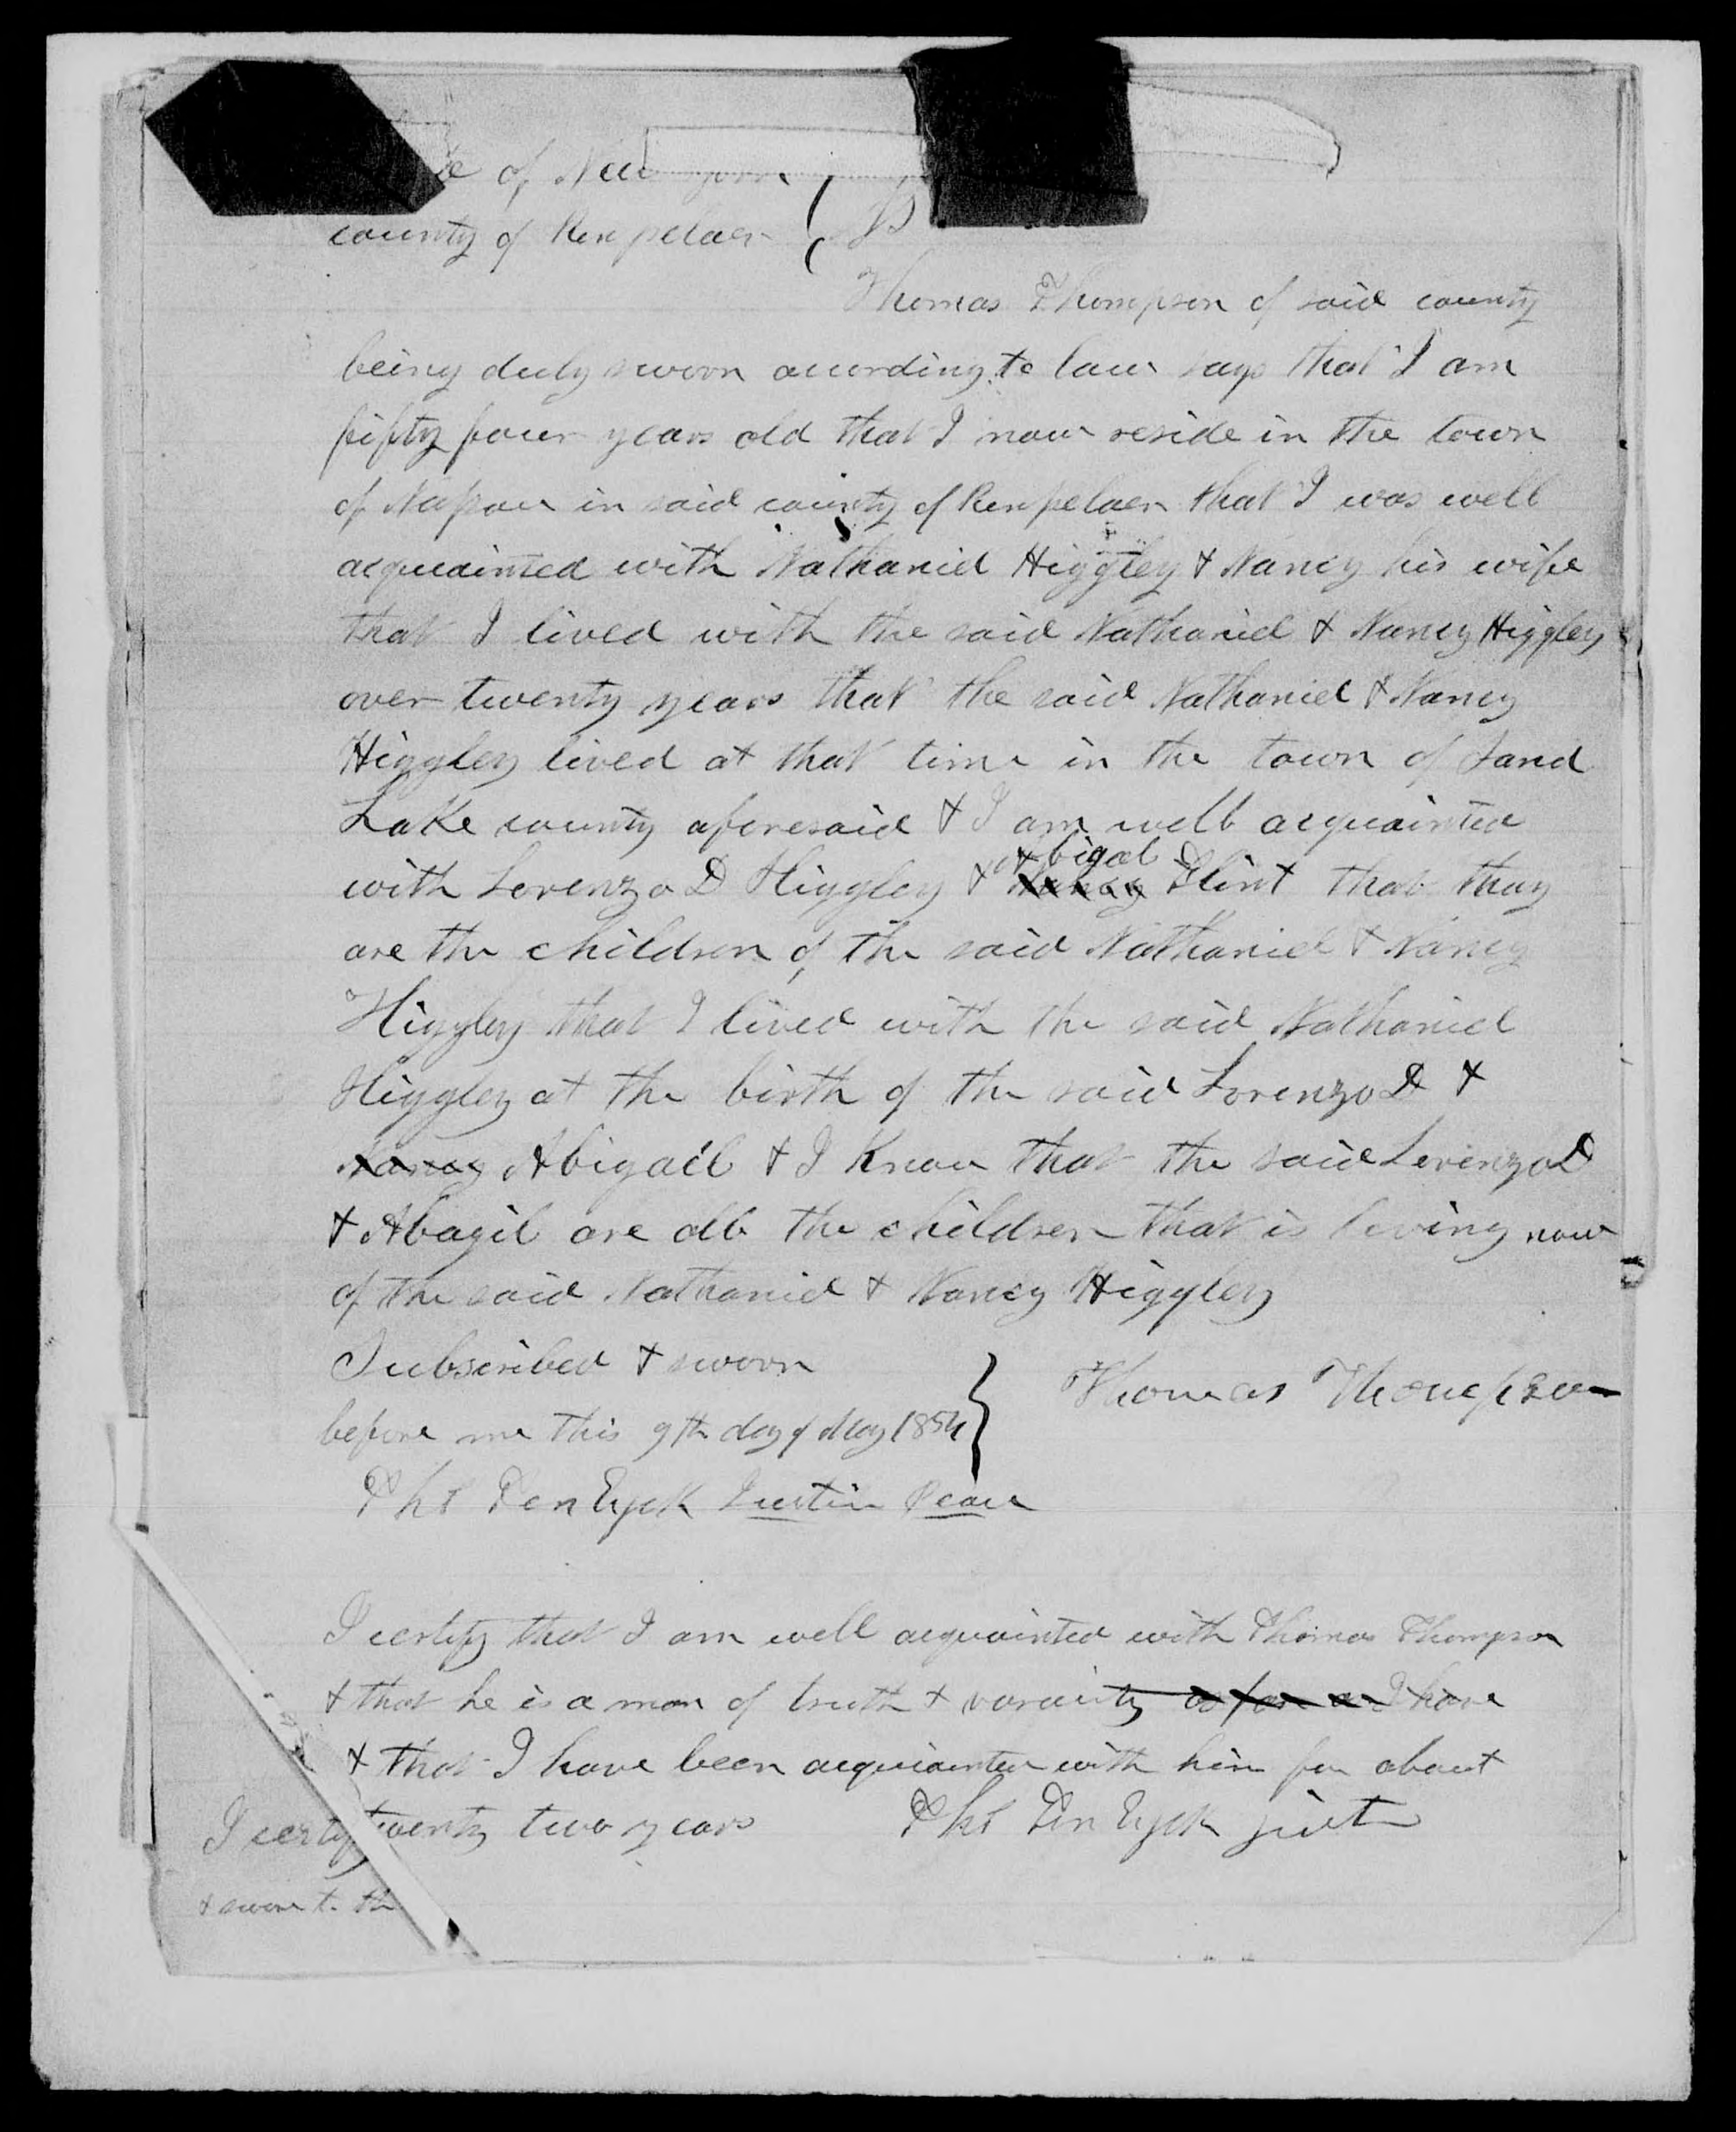State of New York
County of Rensselaer
ss.
Thomas Thompson of said county being duly sworn according to law says that I am fifty four years old that I now reside in the town of Nassau in said county of Rensselaer that I was well acquainted with Nathaniel Higgley & Nancy his wife that I lived with the said Nathaniel & Nancy Higgley over twenty years that the said Nathaniel & Nancy Higgley lived at that time in the town of Sand Lake county aforesaid & I am well acquainted with Lorenzo D. Higgley & [crossed out: Nancy] Abigail Flint that they are the children of the said Nathaniel & Nancy Higgley that I lived with the said Nathaniel Higgley at the birth of the said Lorenzo & [crossed out: Nancy] Abigail & I know that the said Lorenzo & Abigail are all the children that is living now of the said Nathaniel & Nancy Higgley
Thomas Thompson
Subscribed & sworn
before me this 9th day of May 1856
Thos Van Eyck Justice Peace

I certify that I am well acquainted with Thomas Thompson & that he is a man of truth & veracity [crossed out: as far as I have] & that I have been acquainted with him for about twenty two years
Thos Van Eyck Justice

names: Lorenzo D Higgley, Nancy, Lorenzo D, Nancy Higgley, Nathaniel Higgley, Nathaniel Higgley, Nathaniel Higgley, Nathaniel Higgley, Abagil, Abigal Flint, Abigail, Thos Ten Eyck, Nathaniel Higgley, Lorenzo D, Nancy Higgley, Thomas Thompson, Thomas Thompson, Nancy, Nathaniel Higgley, Nancy Higgley, Nancy Higgley, Thos Ten Eyck, Thomas Thompson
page: 4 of 25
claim: rejected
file: R. 4972, Nathaniel Higby, Conn.